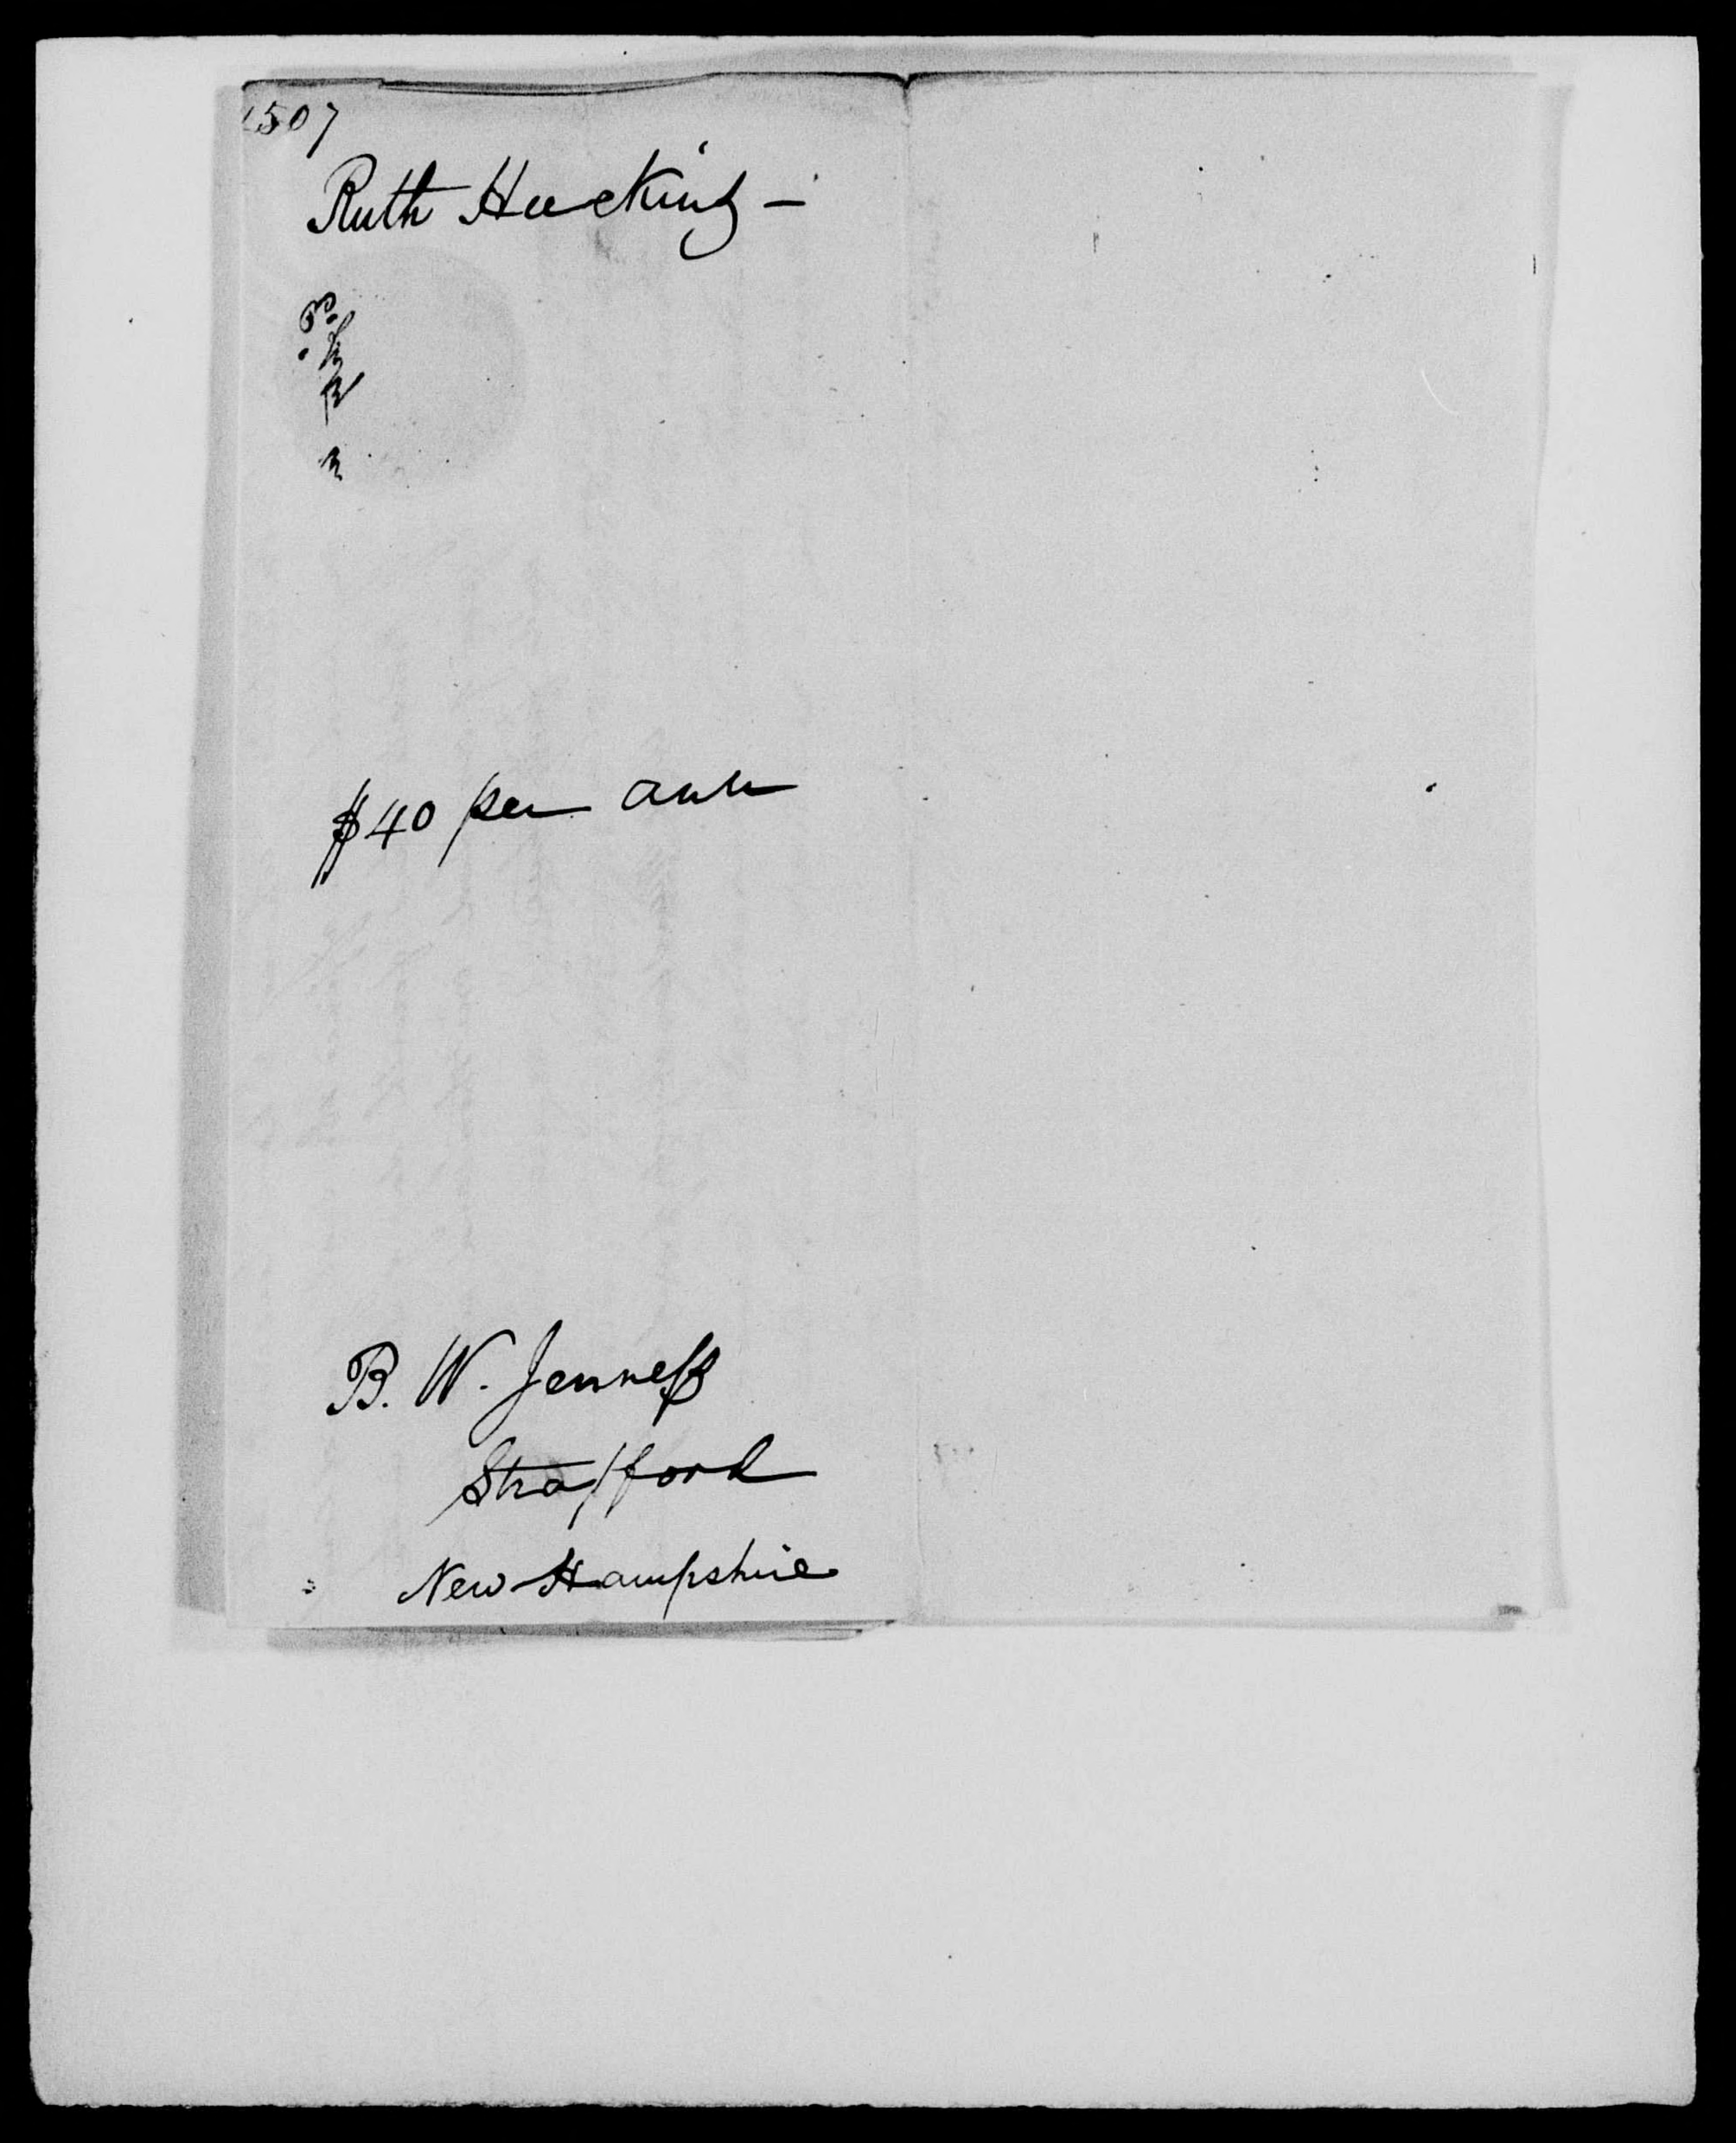3507 Ruth Huckins $40 per ann B.W. Jenness Strafford New Hampshire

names: Ruth Huckins, B W Jenness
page: 32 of 35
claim: widow's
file: W. 16127, Israel Huckins, N.H.